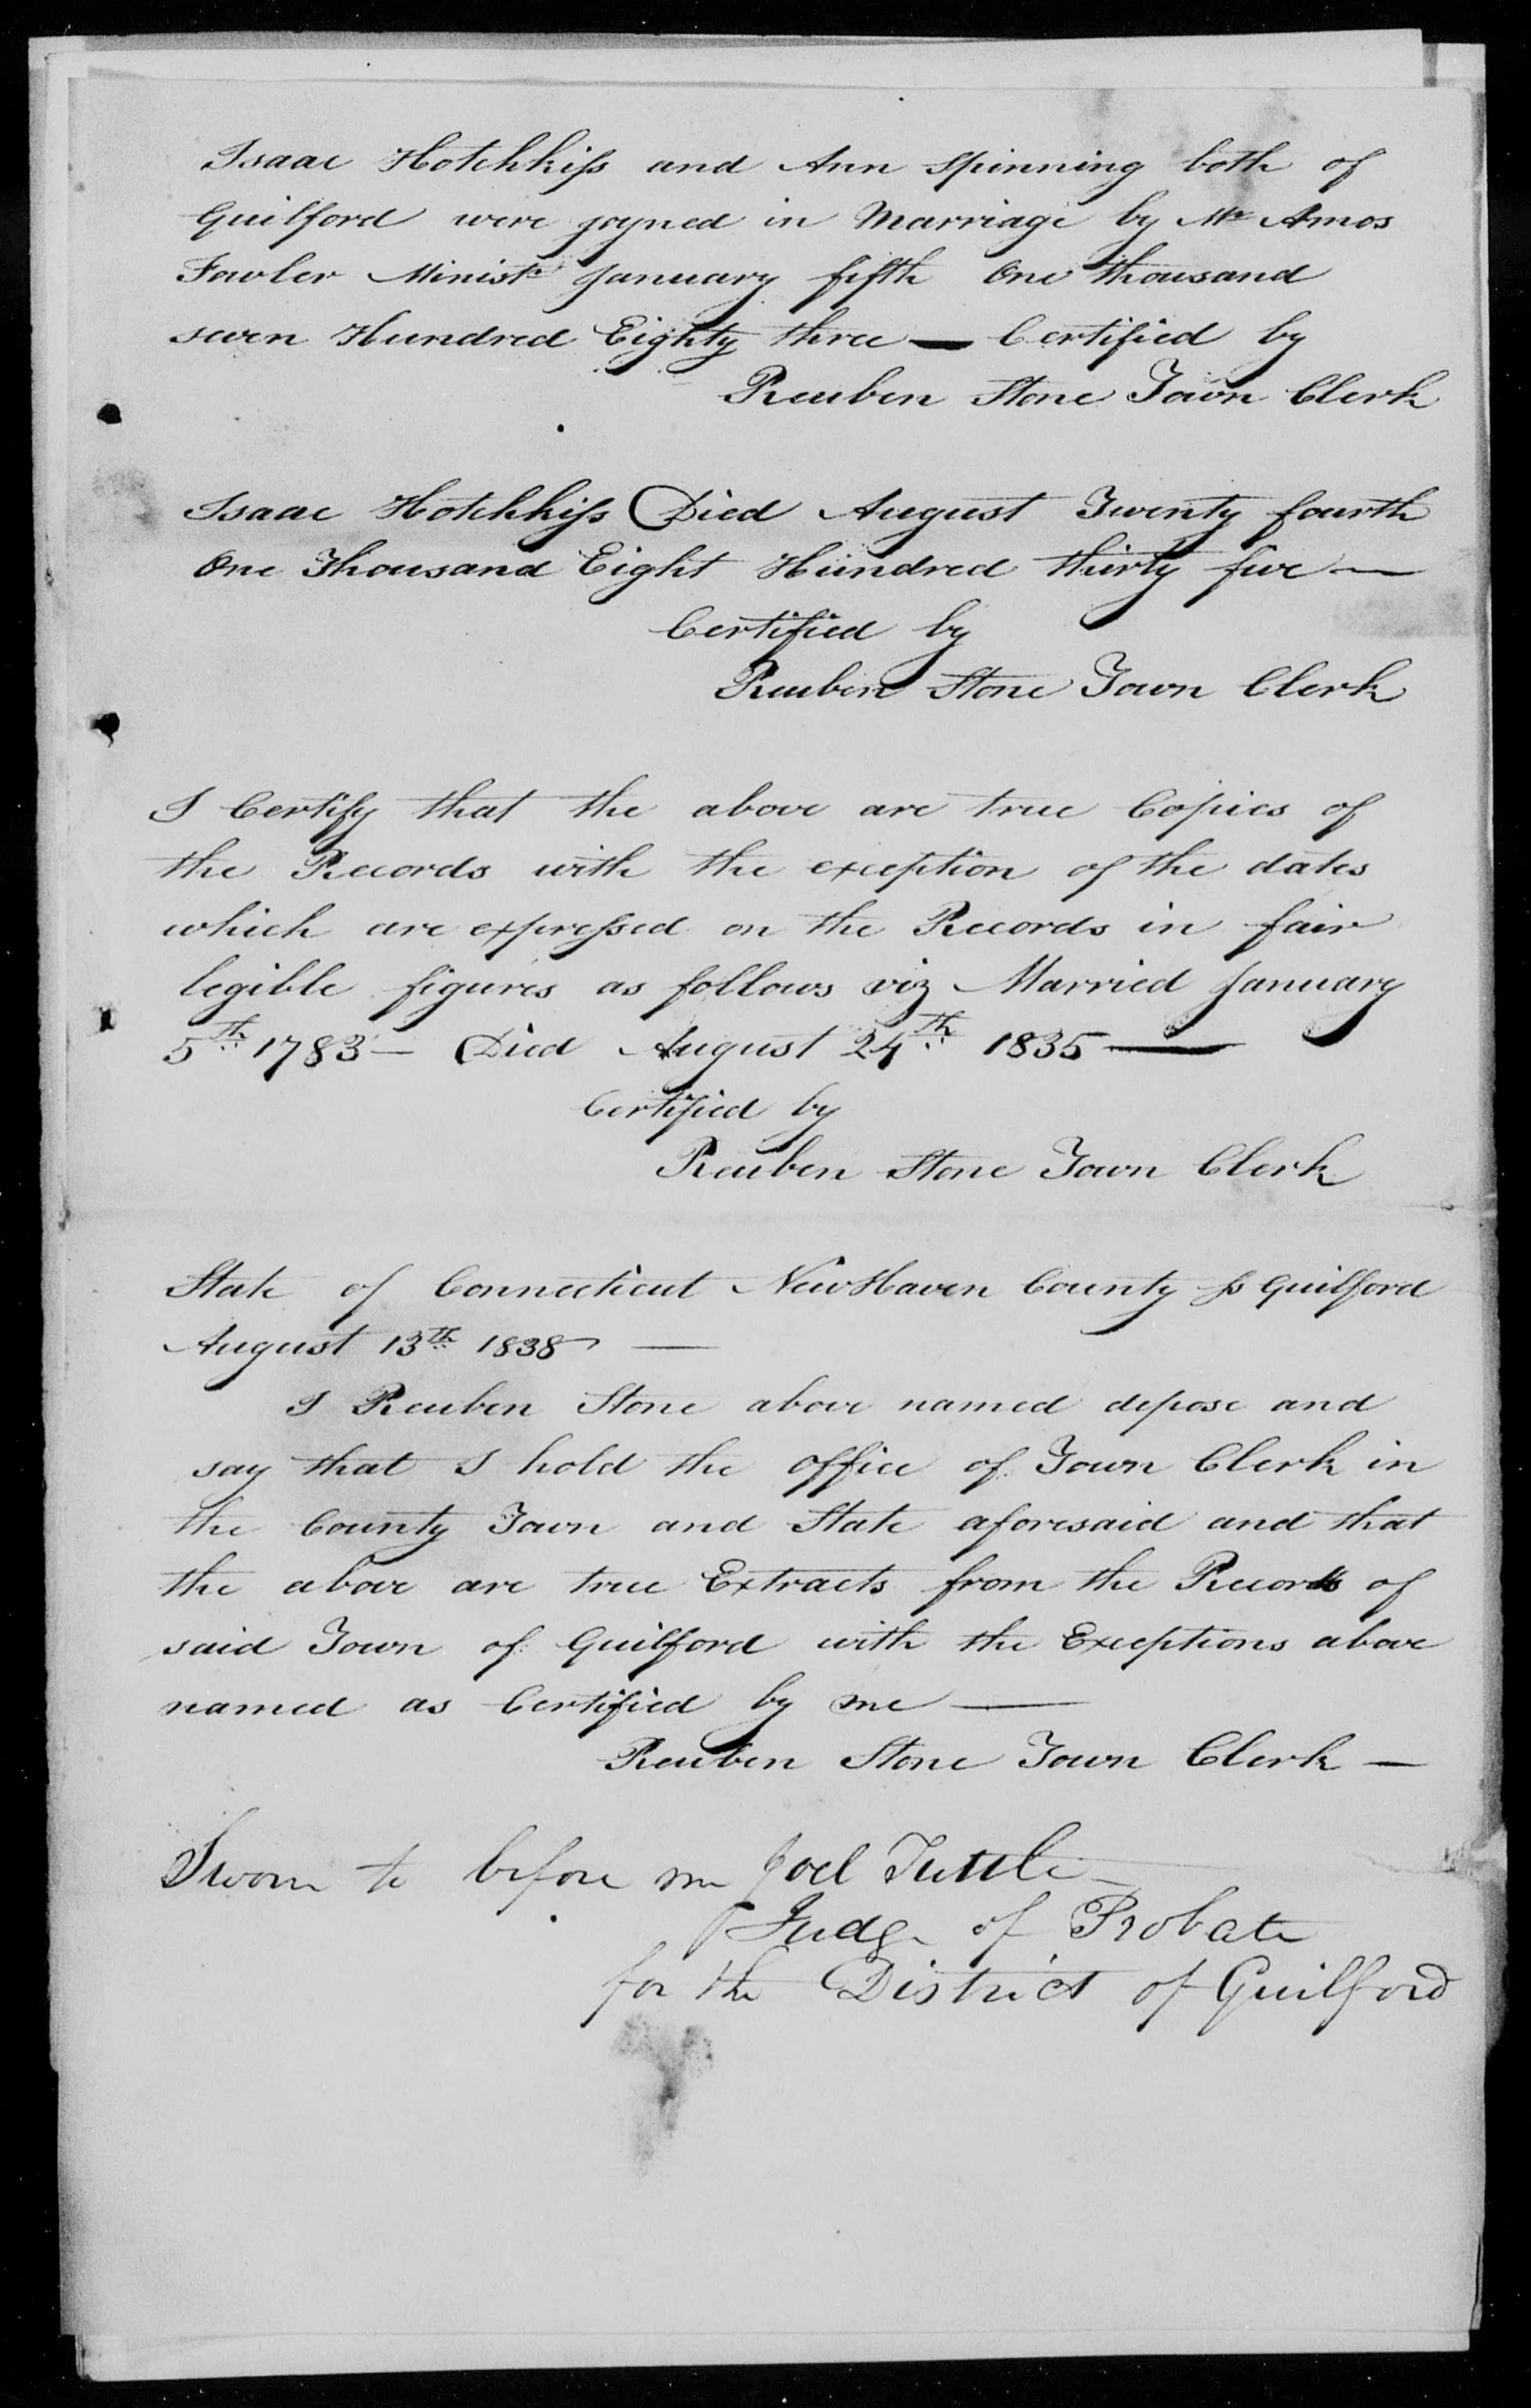Isaac Hotchkiss and Ann Spinning both of Guilford were joined in Marriage by Mr. Amos Fowler Minister January fifth one thousand seven hundred Eighty three- Certified by
Reuben Stone Town Clerk

Isaac Hotchkiss died August Twenty fourth One Thousand Eight Hundred Thirty five
Certified by
Reuben Stone Town Clerk
I certify that the above are true copies of the Records with the exception of the dates which were expressed on the Records in fair legible figures as follows {illegible} Married January 5th 1783- Died August 24th 1835-
Certified by Reuben Stone Town Clerk
State of Connecticut New haven County ts {?} Guilford
August 13th 1838
I Reuben Stone above named depose and say that I hold the office of Town Clerk in the County Town and State aforesaid and that the above are true Extracts from the Records of said Town of Guilford with the Exceptions above named as Certified by me-
Reuben Stone Town Clerk
Sworn to before me Joel Tuttle
Judge of Probate
for the District of Guilford.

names: Joel Tuttle, Reuben Stone, Amos Fowler, Ann Spinning, Isaac Hotchkiss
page: 13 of 25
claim: widow's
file: W. 18,021, Isaac Hotchkiss, Conn.